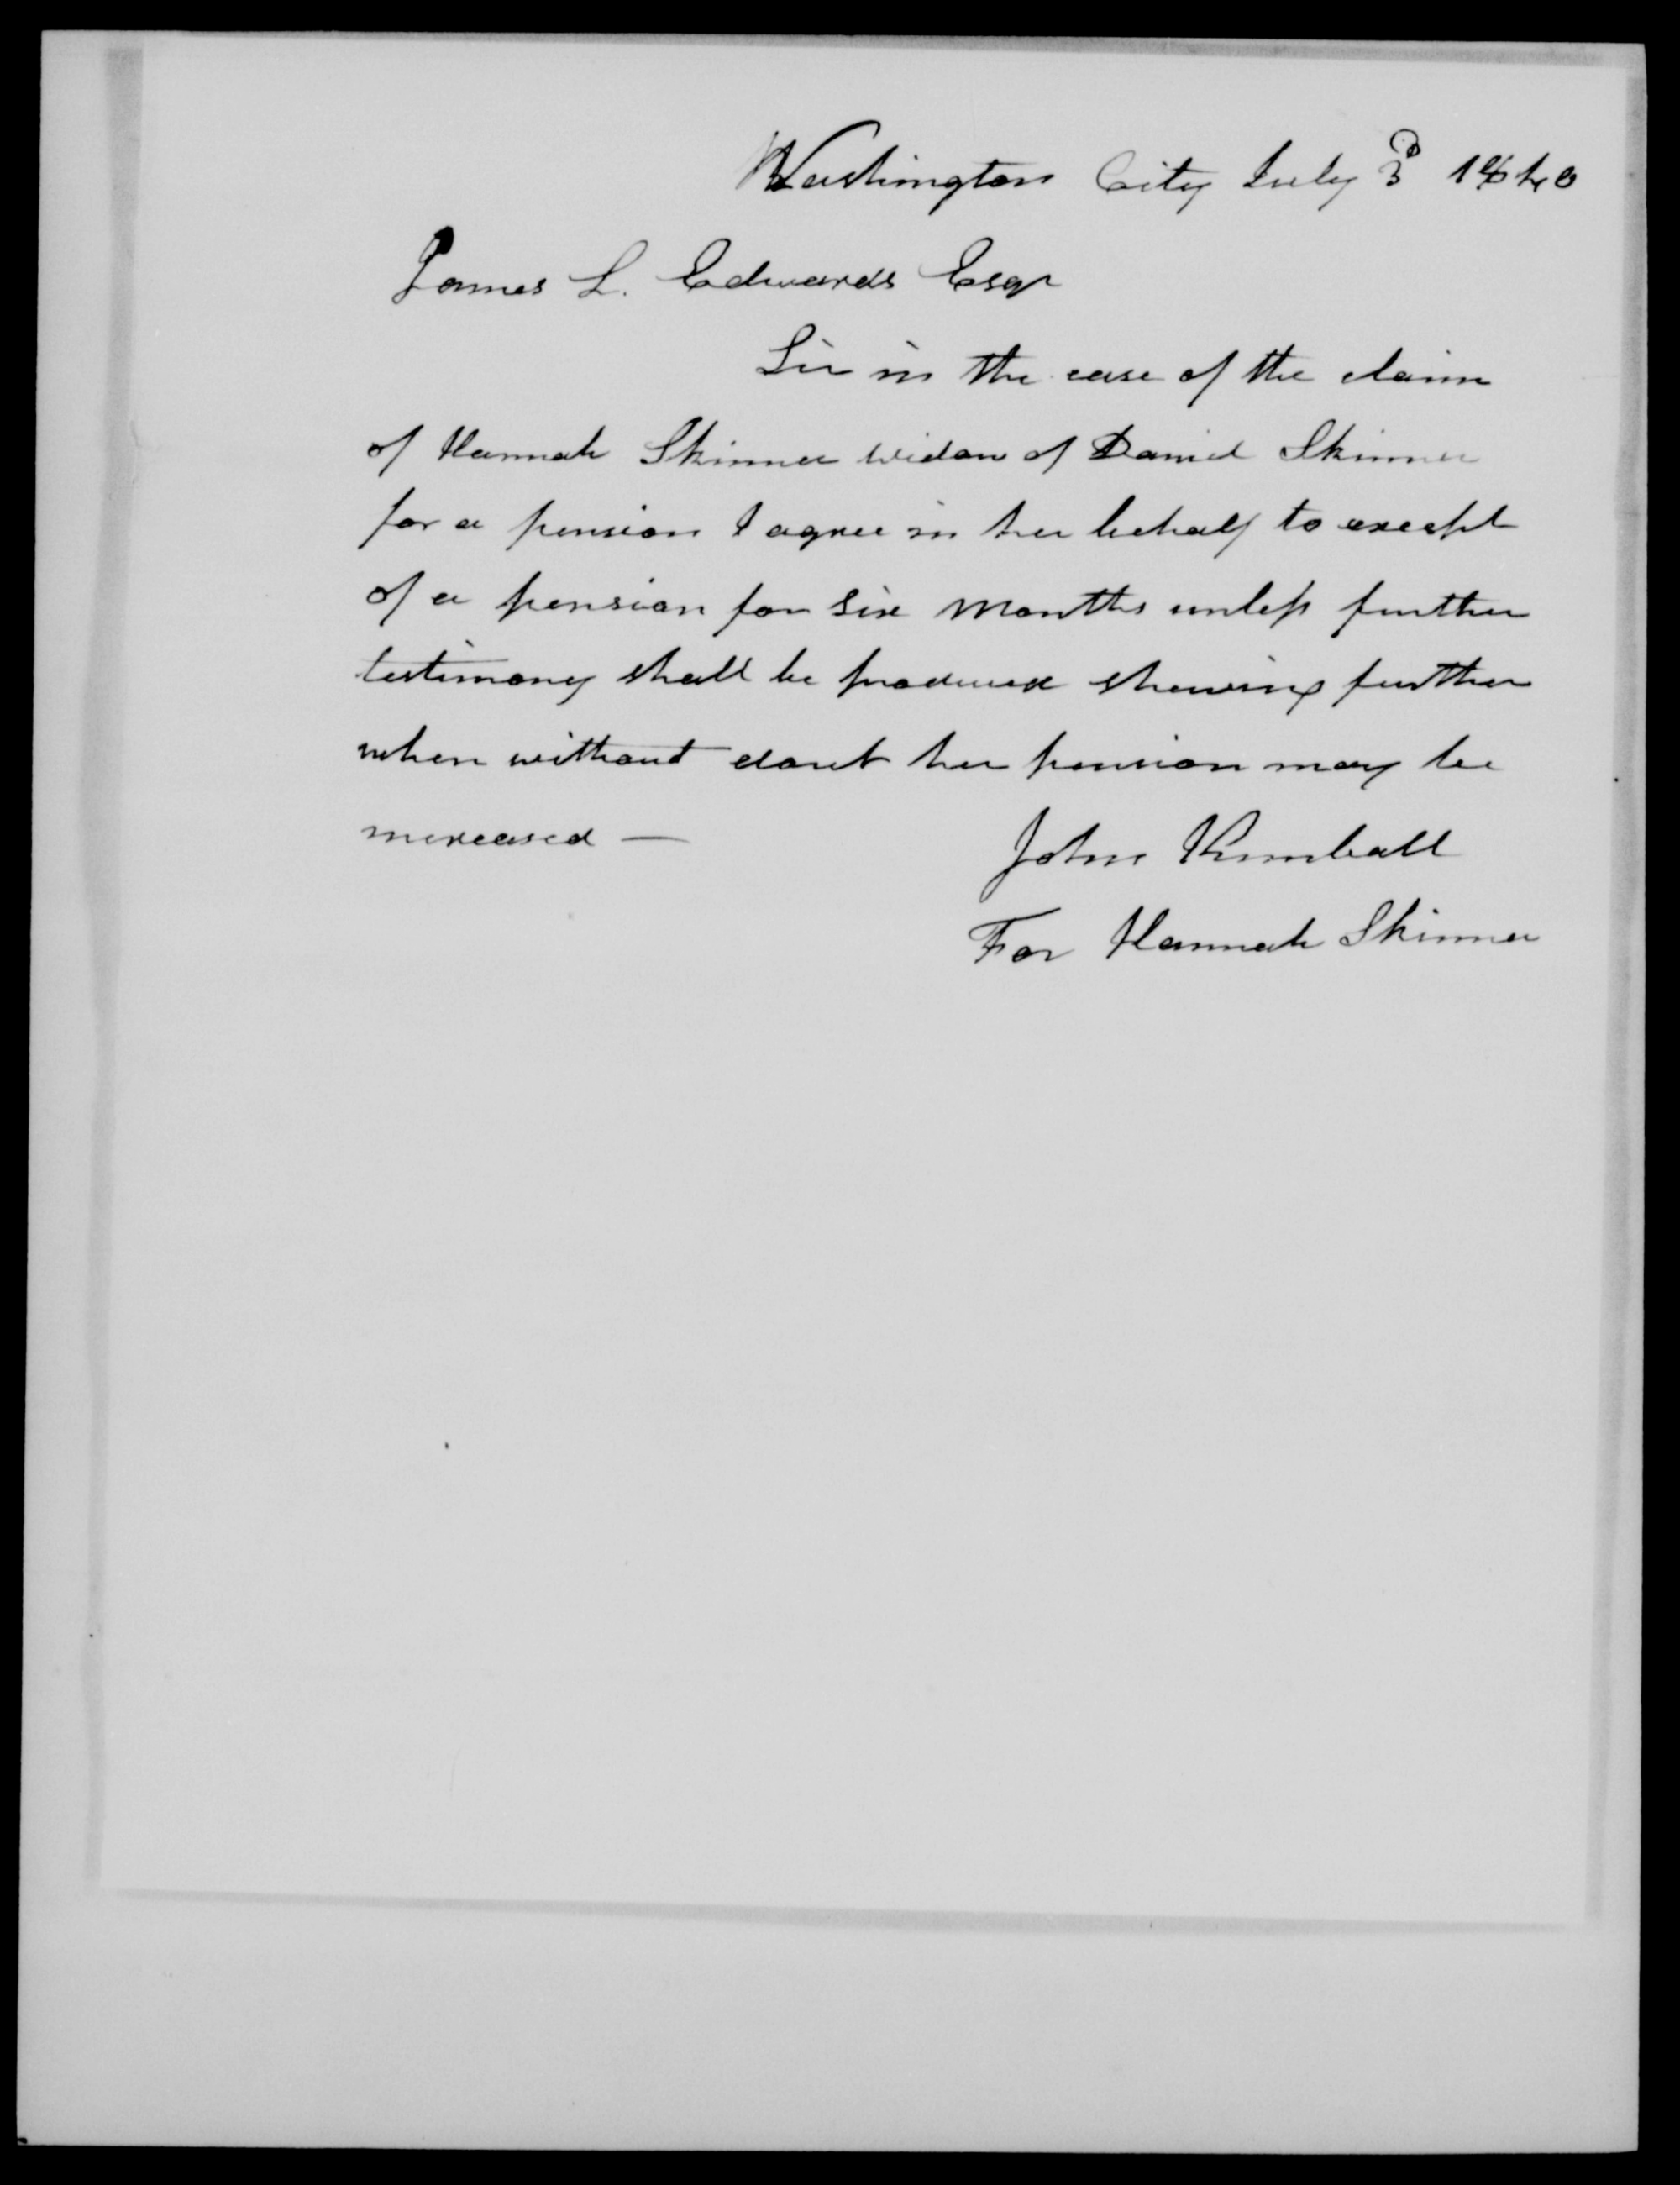Washington City July 3d 1840
James L. Edwards Esqr
Sir in the case of the claim
of Hannah Skinner Widow of Daniel Skinner
for a pension I agree in her behalf to (illegible)
of a pension for six months unless further
testimony shall be produced showing further
when without doubt her pension may be
(increased (?)-
John Kimball
for Hannah Skinner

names: Daniel Skinner; John Kimball; Hannah Skinner; James L Edwards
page: 24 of 46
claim: widow's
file: W. 24976, for Daniel Skinner, New Hampshire